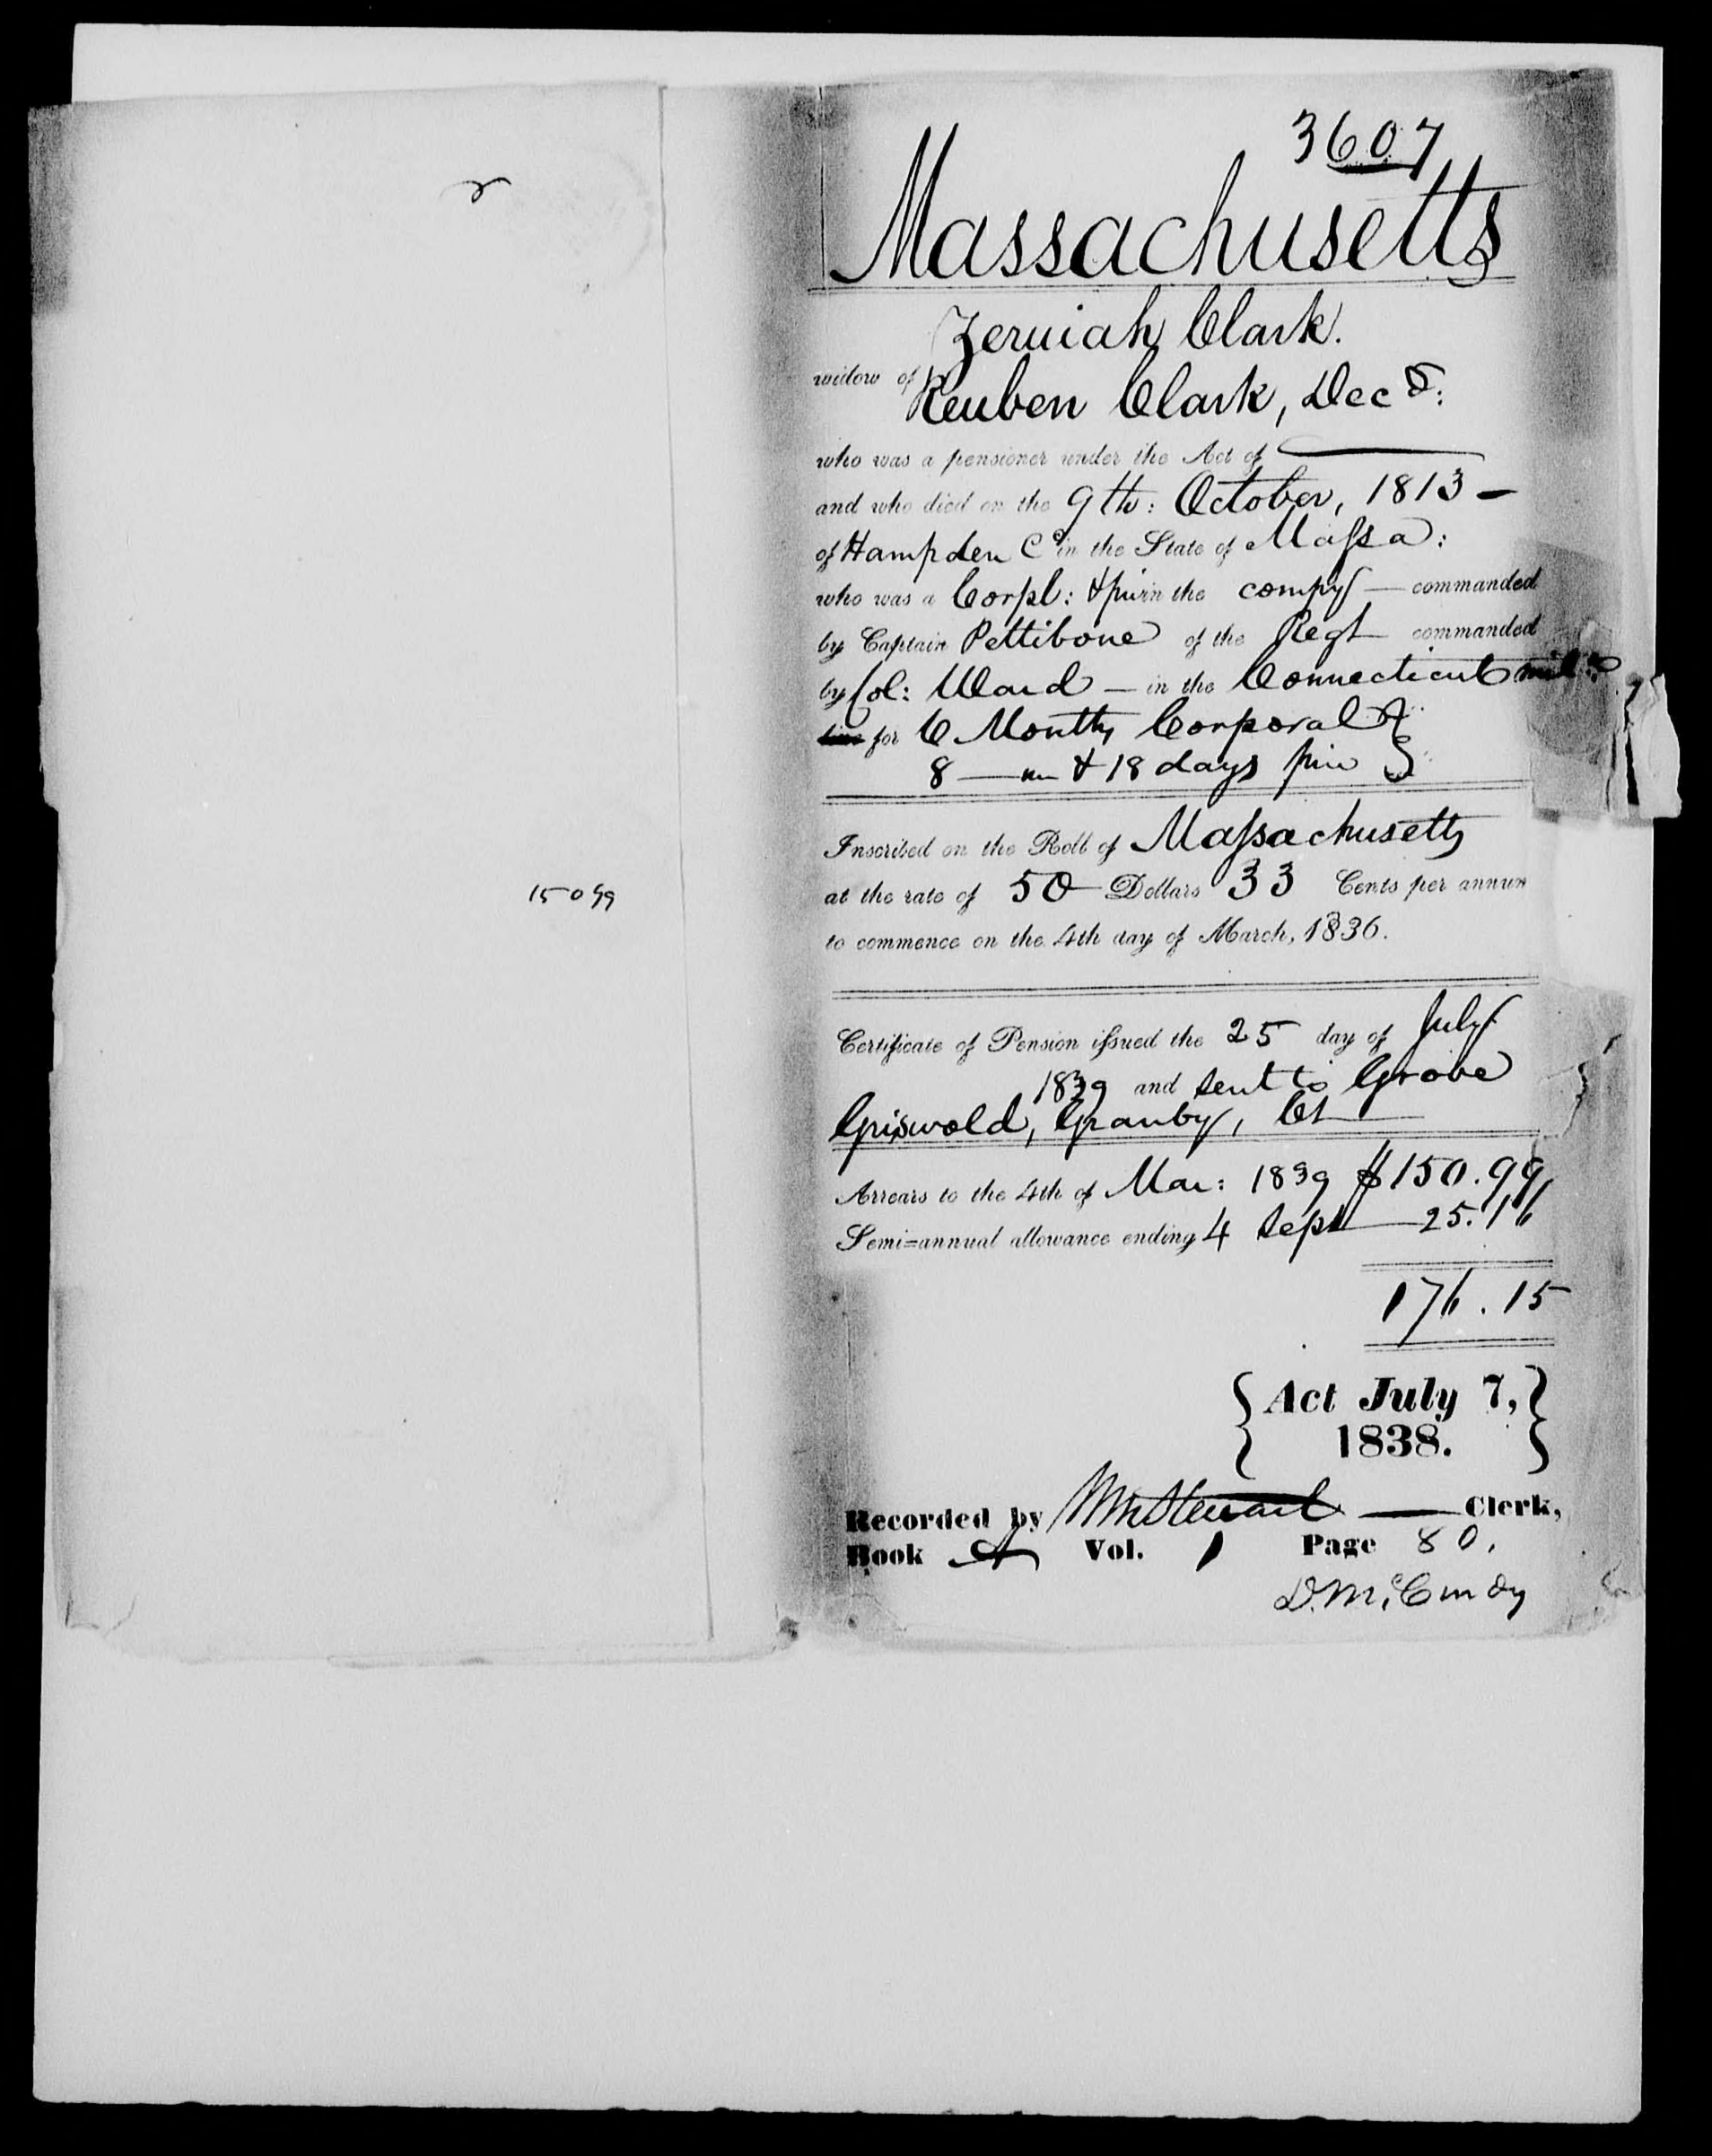[printed form completed in handwriting]
3607
Massachusetts
Zeruiah Clark
widow of Reuben Clark, Decd:
who was a pensioner under the Act of [blank]
and who died on the 9th October, 1813 –
of Hampden Co in the State of Massa: 
who was a Corpl: & pri in the compy commanded
by Captain Pettibone of the Regt commanded
by Col: Ward in the Connecticut mil. 
for 6 Months Corporal
8 m & 18 days pri.}
=======================  
Inscribed on the Roll of Massachusetts
at the rate of 50 Dollars 33 Cents per annum
to commence on the 4th day of March, 1836.
=======================  
Certificate of Pension issued the 25 day of July
1839 and sent to Grove
Griswold, Granby, Ct
====================== 
Arrears to the 4th of Mar: 1839 $150.99
Semi-annual allowance ending 4 Sept.  25.16
					=====  
					176.15
					=====
{Act July 7,}
{1838}

Recorded by Wm Stewart Clerk,
Book A Vol. 1 Page 80.
D. McCurdy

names: Reuben Clark, Wm Stewart, Pettibone, Grove Griswold, Zeruiah Clark, D Mc Curdy, Ward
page: 3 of 26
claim: widow's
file: W. 14483, Reuben Clark, Conn.